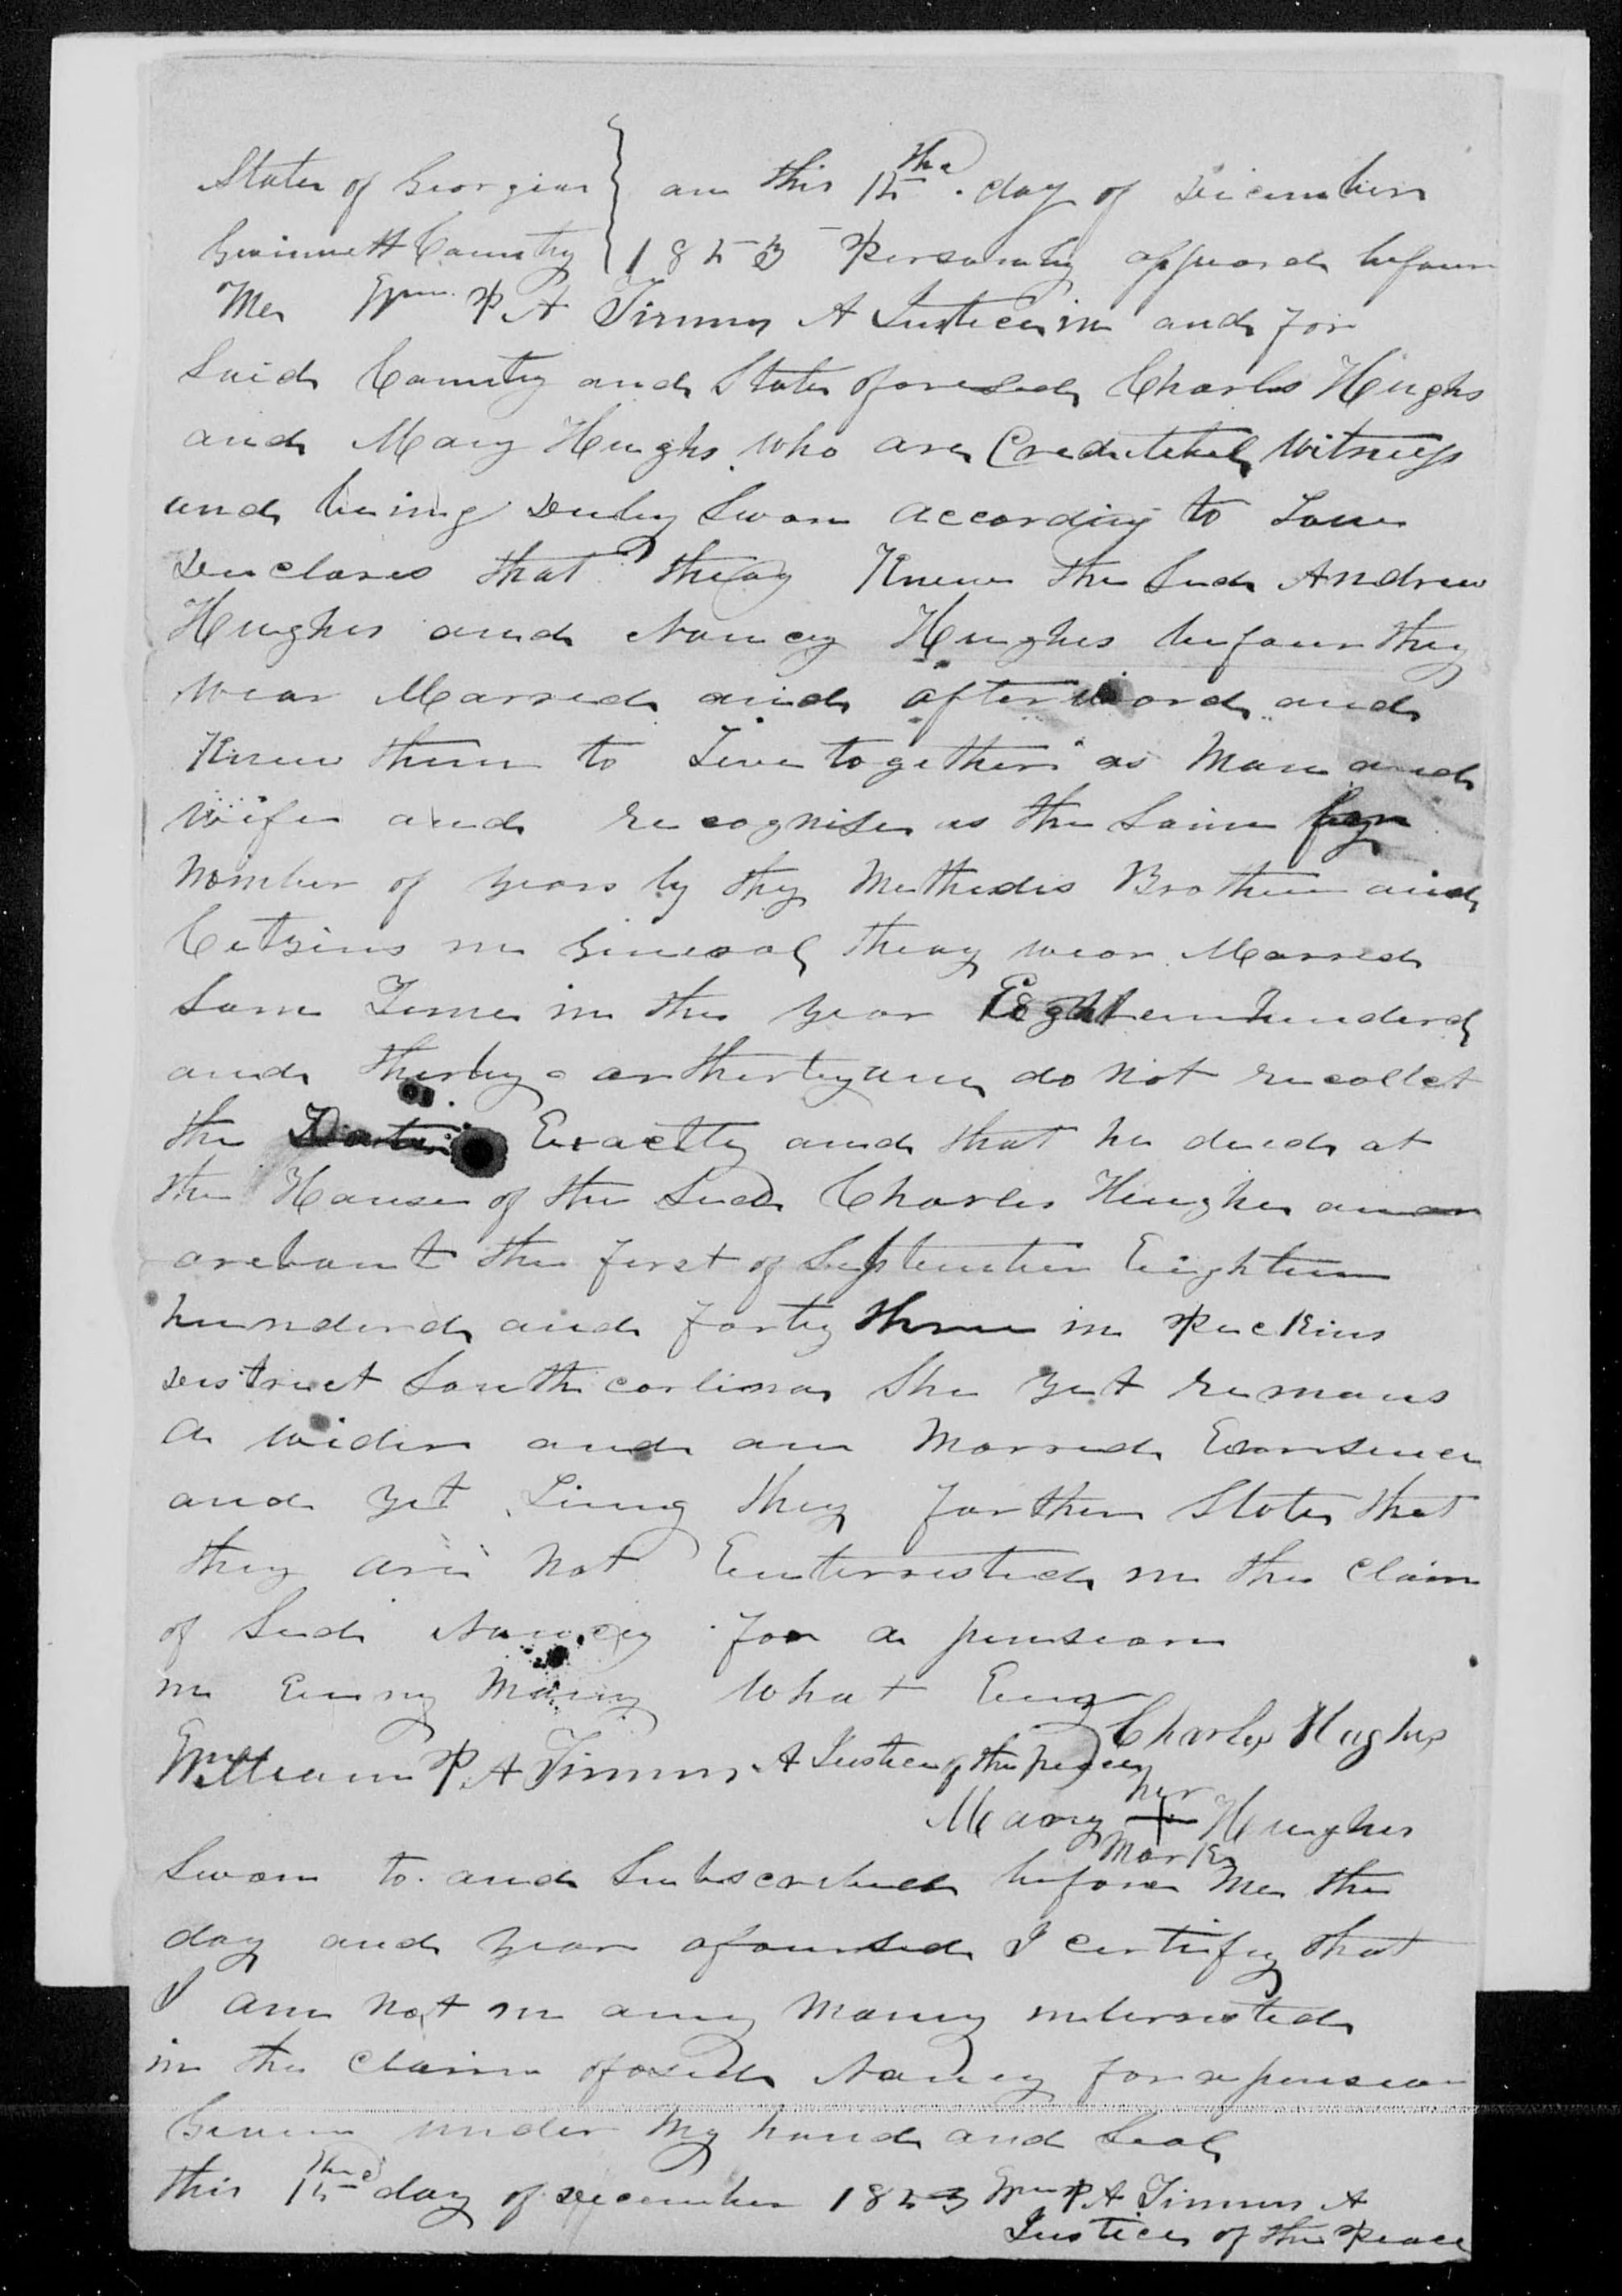State of Georgia}
Gwinnett County}

On this 12th day of December 1853 Personaly appeared before Mr Wm A Timm A Justice in and for said County and state aforesaid Charles Hughs and Mary Hughes who are crediting witness
and being duly sworn according to Law
declares that they knew the said Andrew
Hughes and Nancy Hughes before they
Wear Marred and afterword and
Knew them to live together as man and
wife and recognise as the same for
number of years by the Methodis Brother and
Citzens in general thery wear Marret
same time in the year Eighteen hundred
and therefor thirty and do not recollect
the Exactly and that he died at
the House of the said Charles Her, her and
about the first of September Eighteen
hundred and forty three in pickins
District South Carlina she yet remans
a wider and am marred Ensence
and yet living they further states that
they are not Enterested in this claim
of Such day for a pension
in any man what Eng,
William P. A. Time A Justice of the pearl Hughes
Mary Hughes
Sworn to and subscribed before me the
day and year aforsed I certify that
am not in any many interested
in the claim of Nancy for a pension
Given under my hand and seal
this 11th day of December 1823 W A Timm A
Justice of the Peace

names: Charles Hughs, Andrew Hughes, Nancy Hughes, Wm P A Timms, Mary Hughs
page: 73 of 75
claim: widow's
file: W. 25805, Andrew Hughes, N.C.